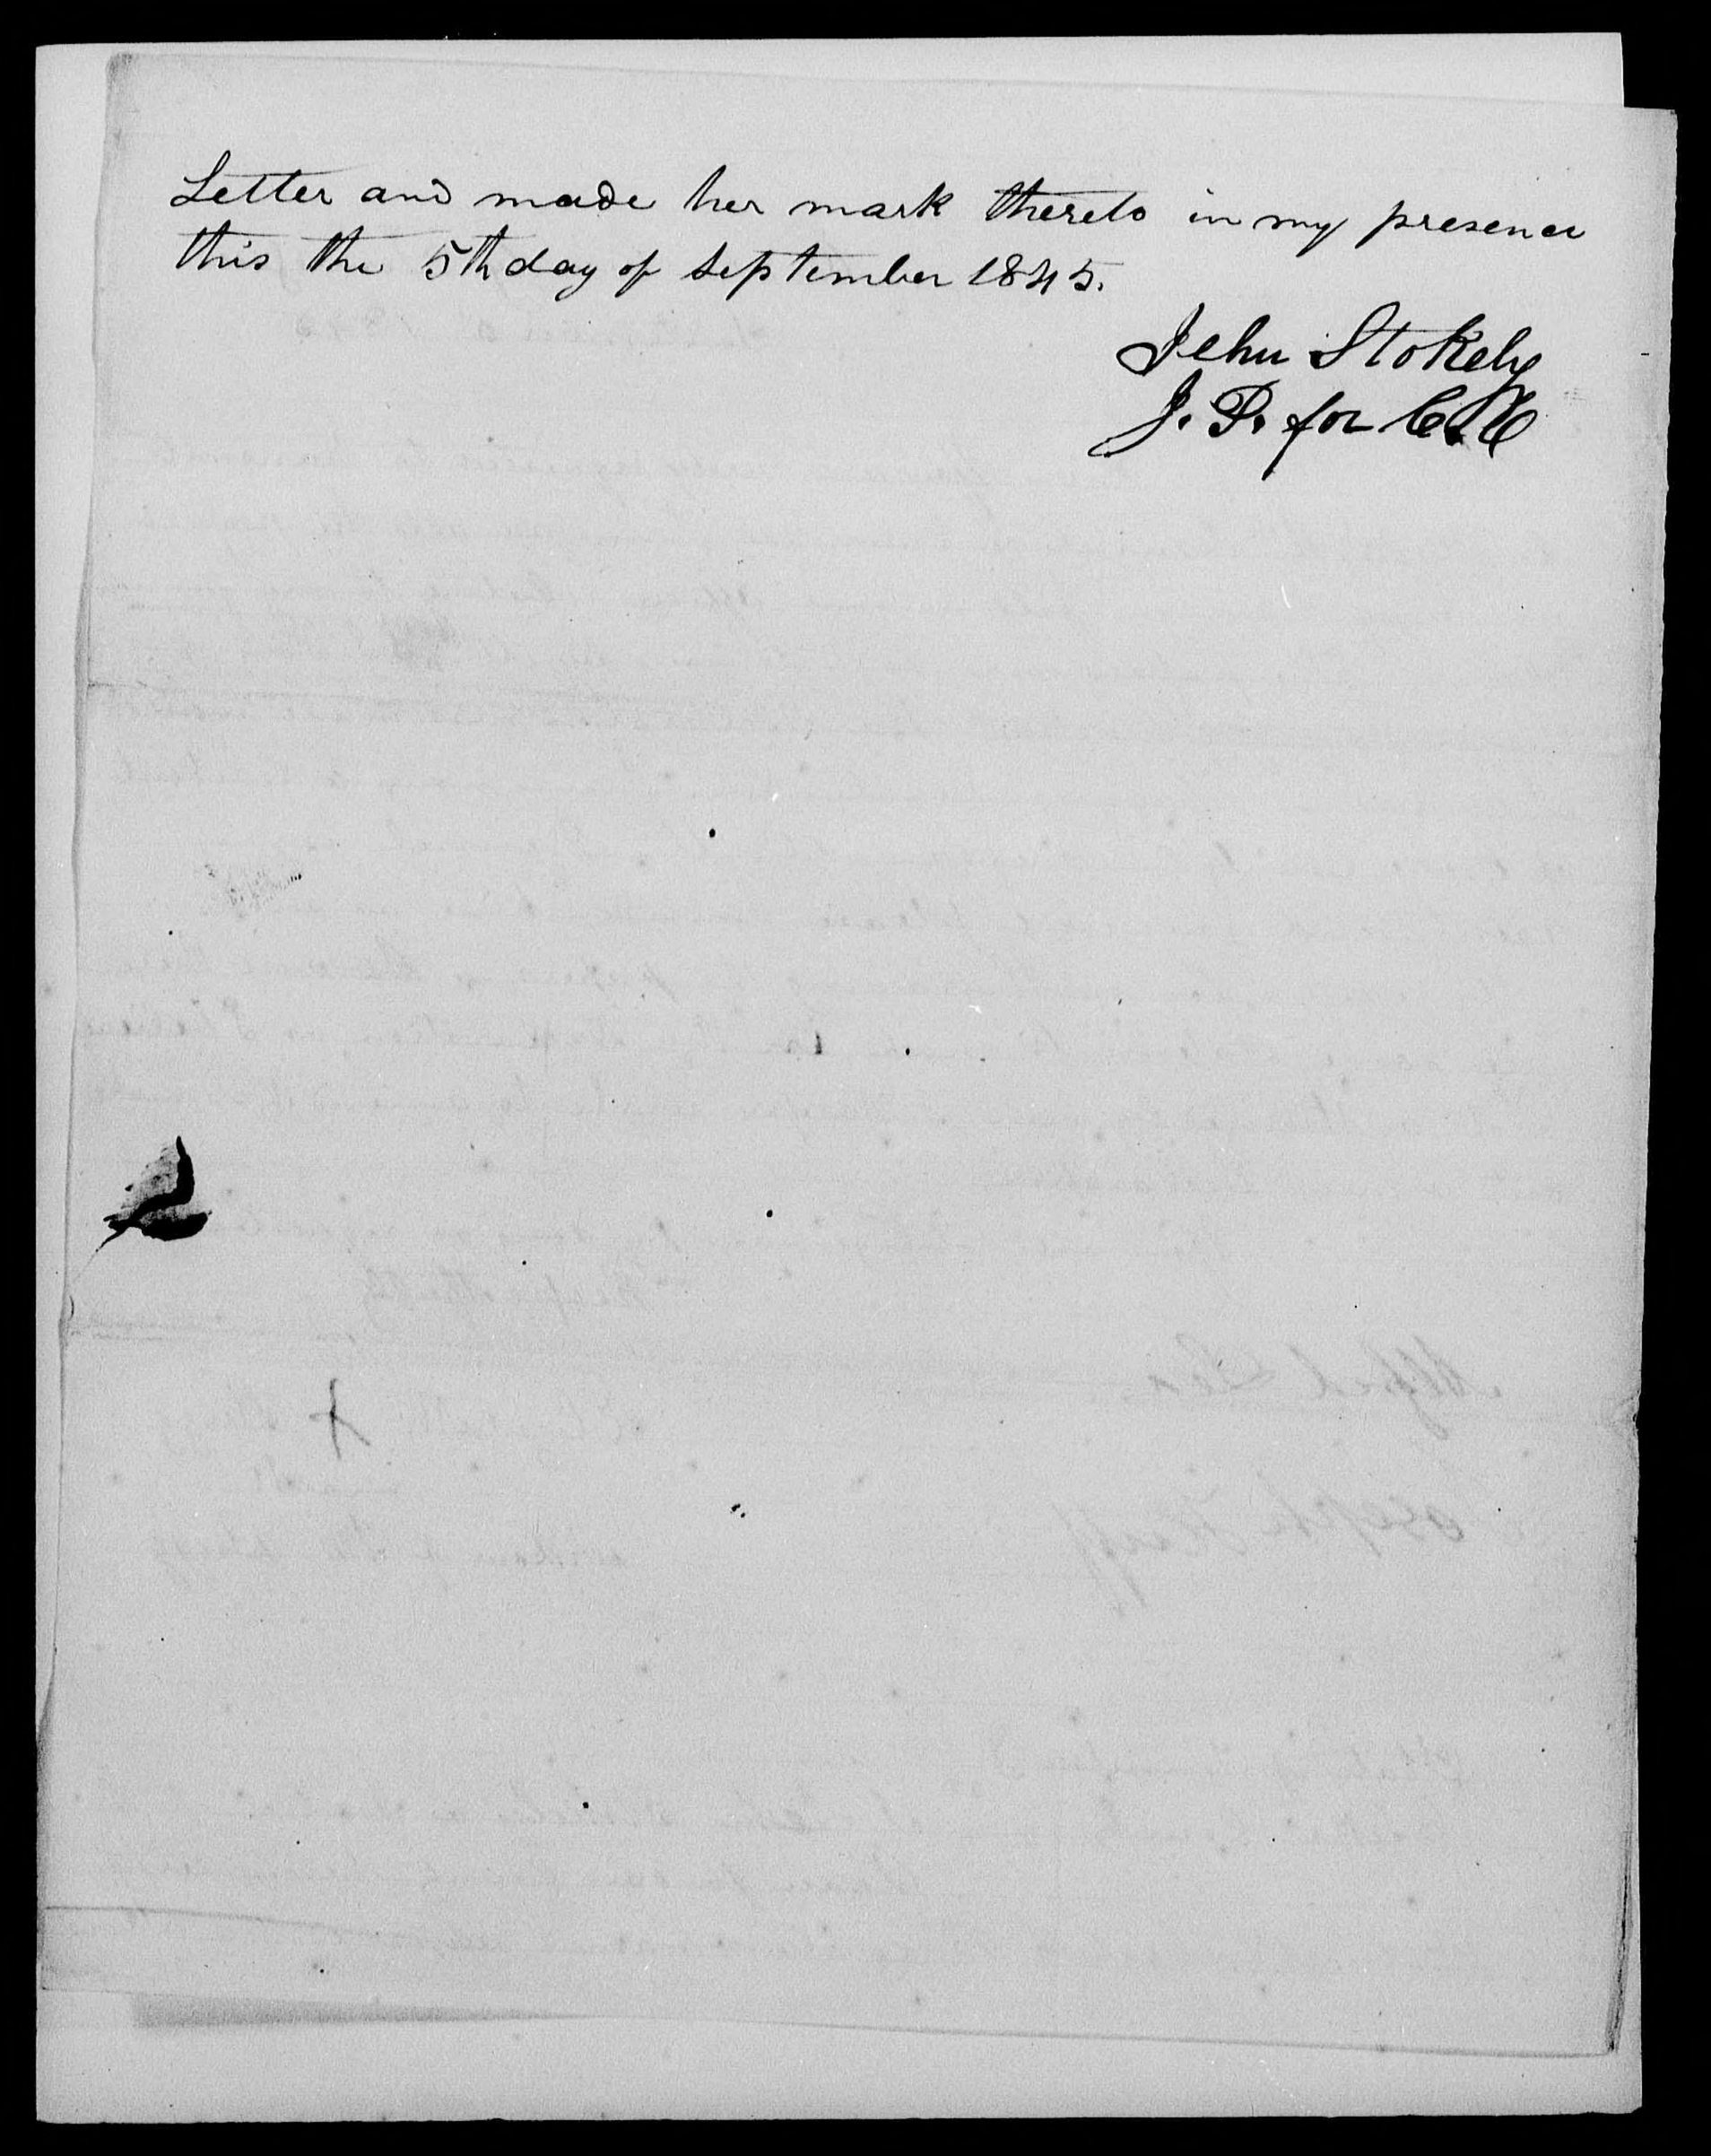Letter and made her mark thereto in my presence  this the 5th day of September 1845.
Jehu Stokely
J.P. [Justice of the Peace] for C.C [possibly  meaning for Cocke County, Tennessee]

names: Jehu Stokley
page: 31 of 50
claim: widow's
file: W. 898, William Bugg, N.C.